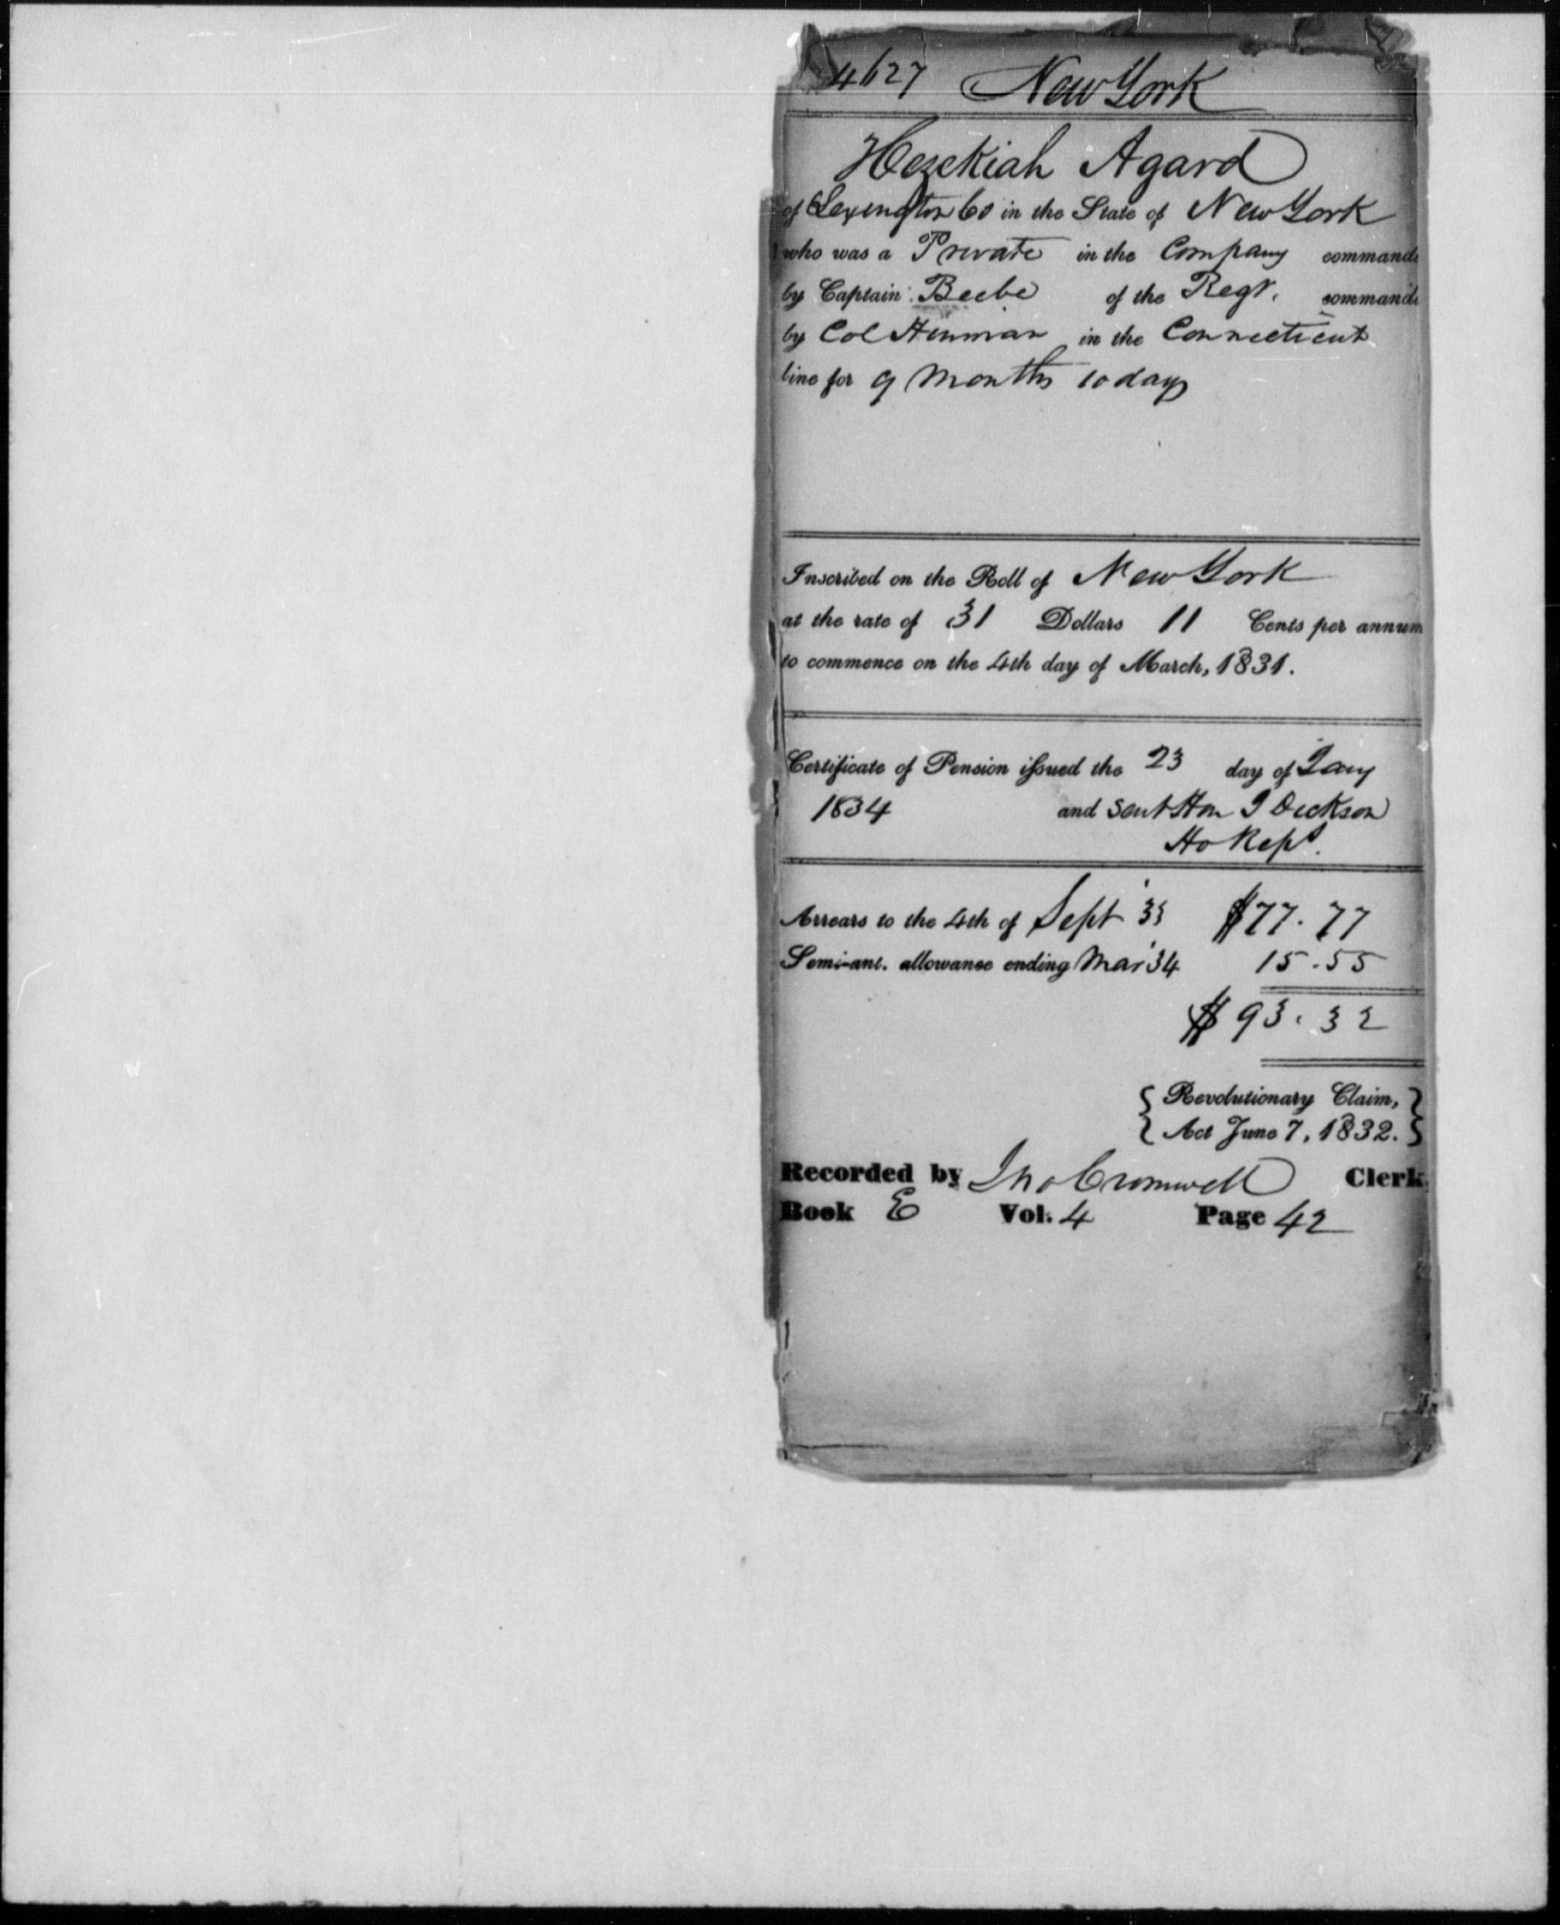4627 New York 
Hezekiah Agard
of Livingston Co in the State of New York
who was a Private in the company commanded
by Captain Beebe
of the Regt commanded
by Col Hinman in the Connecticut
line for 9 months 10 days
Inscribed on the Roll of New York
at the rate of 31 Dollars 11 Cents per annum
to commence on the 4th day of March, 1831
Certificate of Pension issued the 23 day of Jany
1834 and 
and sent Hon I Dickson
Ho Reps
Arrears to the 4th of Sept '33 $77.77
Semi-anl. allowance ending Mar '34 15.55
$93.32
{Revolutionary Claim,
Act June 7, 1832}
Recorded by Jno Cromwell Clerk
Book E Vol. 4 Page 42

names: Jno Cromwell, Beebe, Hezekiah Agard, J Dickson, Henman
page: 2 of 19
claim: survivor's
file: S. 23,092, Hezekiah Agard, Conn.